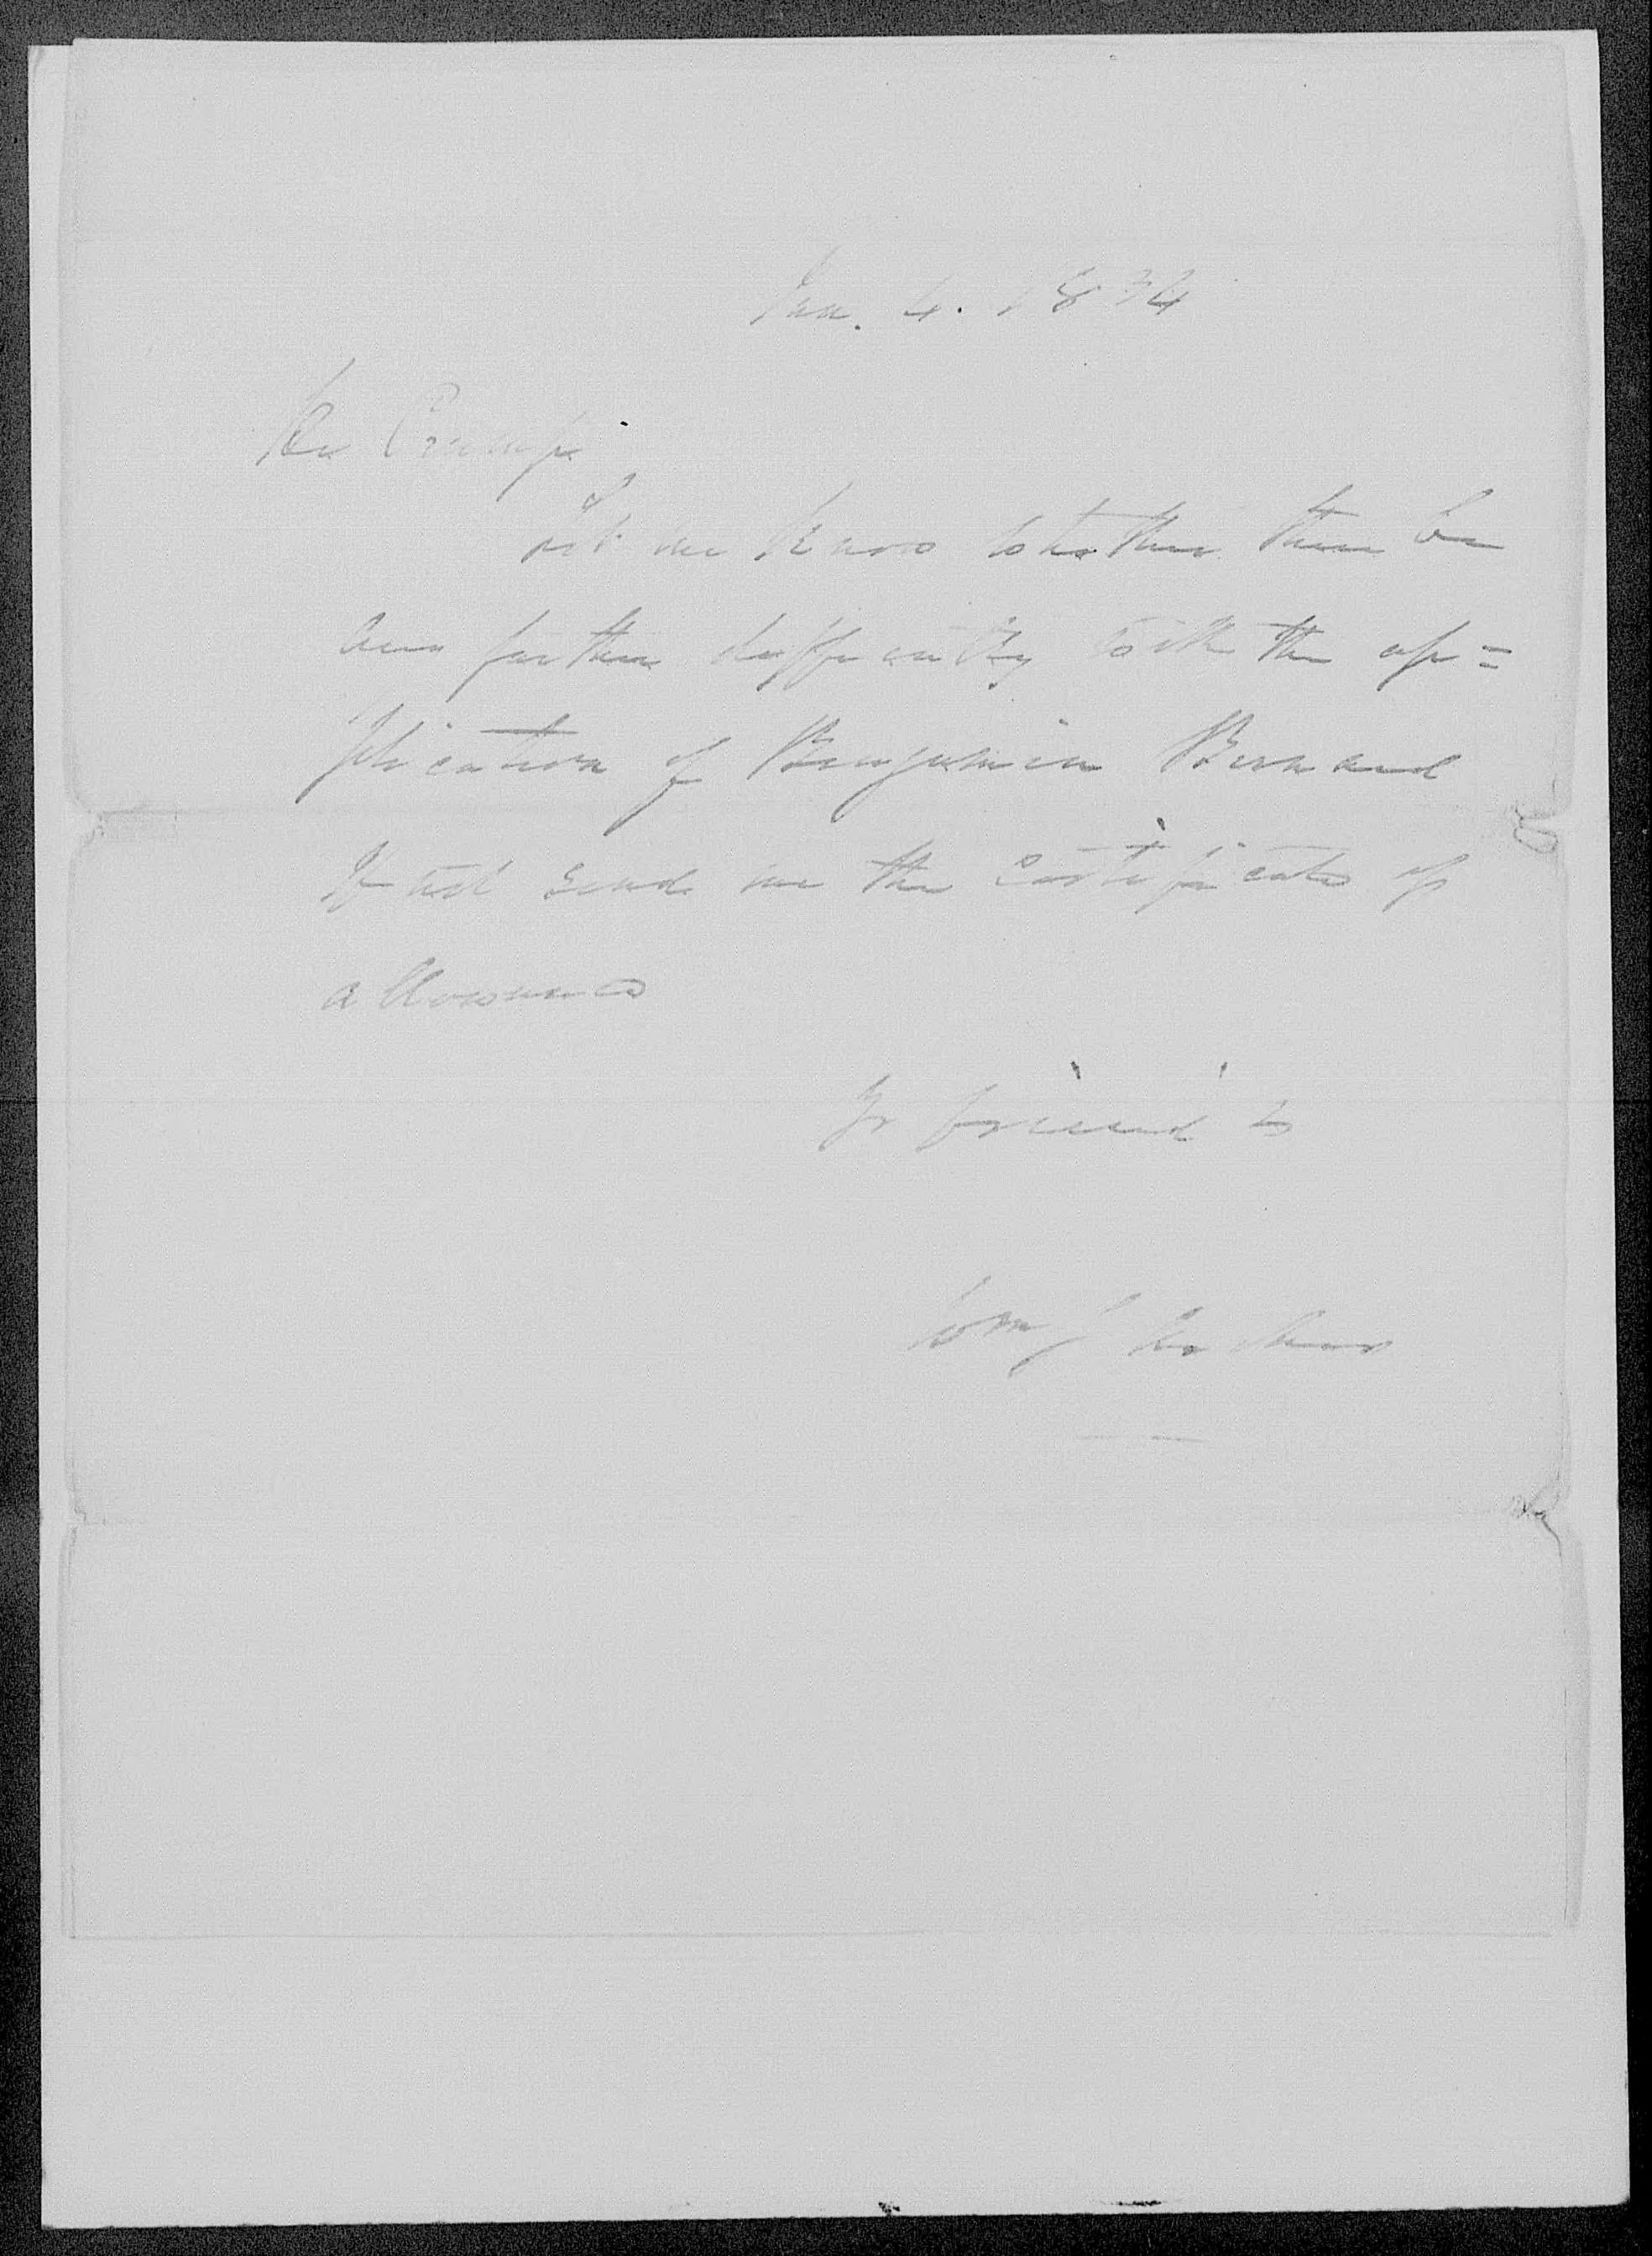Jan. 6, 1834

Mr. Crump,
     Let me known whether there be 
any further difficulty with the ap=
plication [application] of Benjamin Barnard If not send in the certificate of 
allowance.

                  Yr friend &c
                 [signature[ Wm. S. Archer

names: Benjamin Bernard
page: 9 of 18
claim: survivor's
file: S. 9096, Benjamin Barnard, Va.